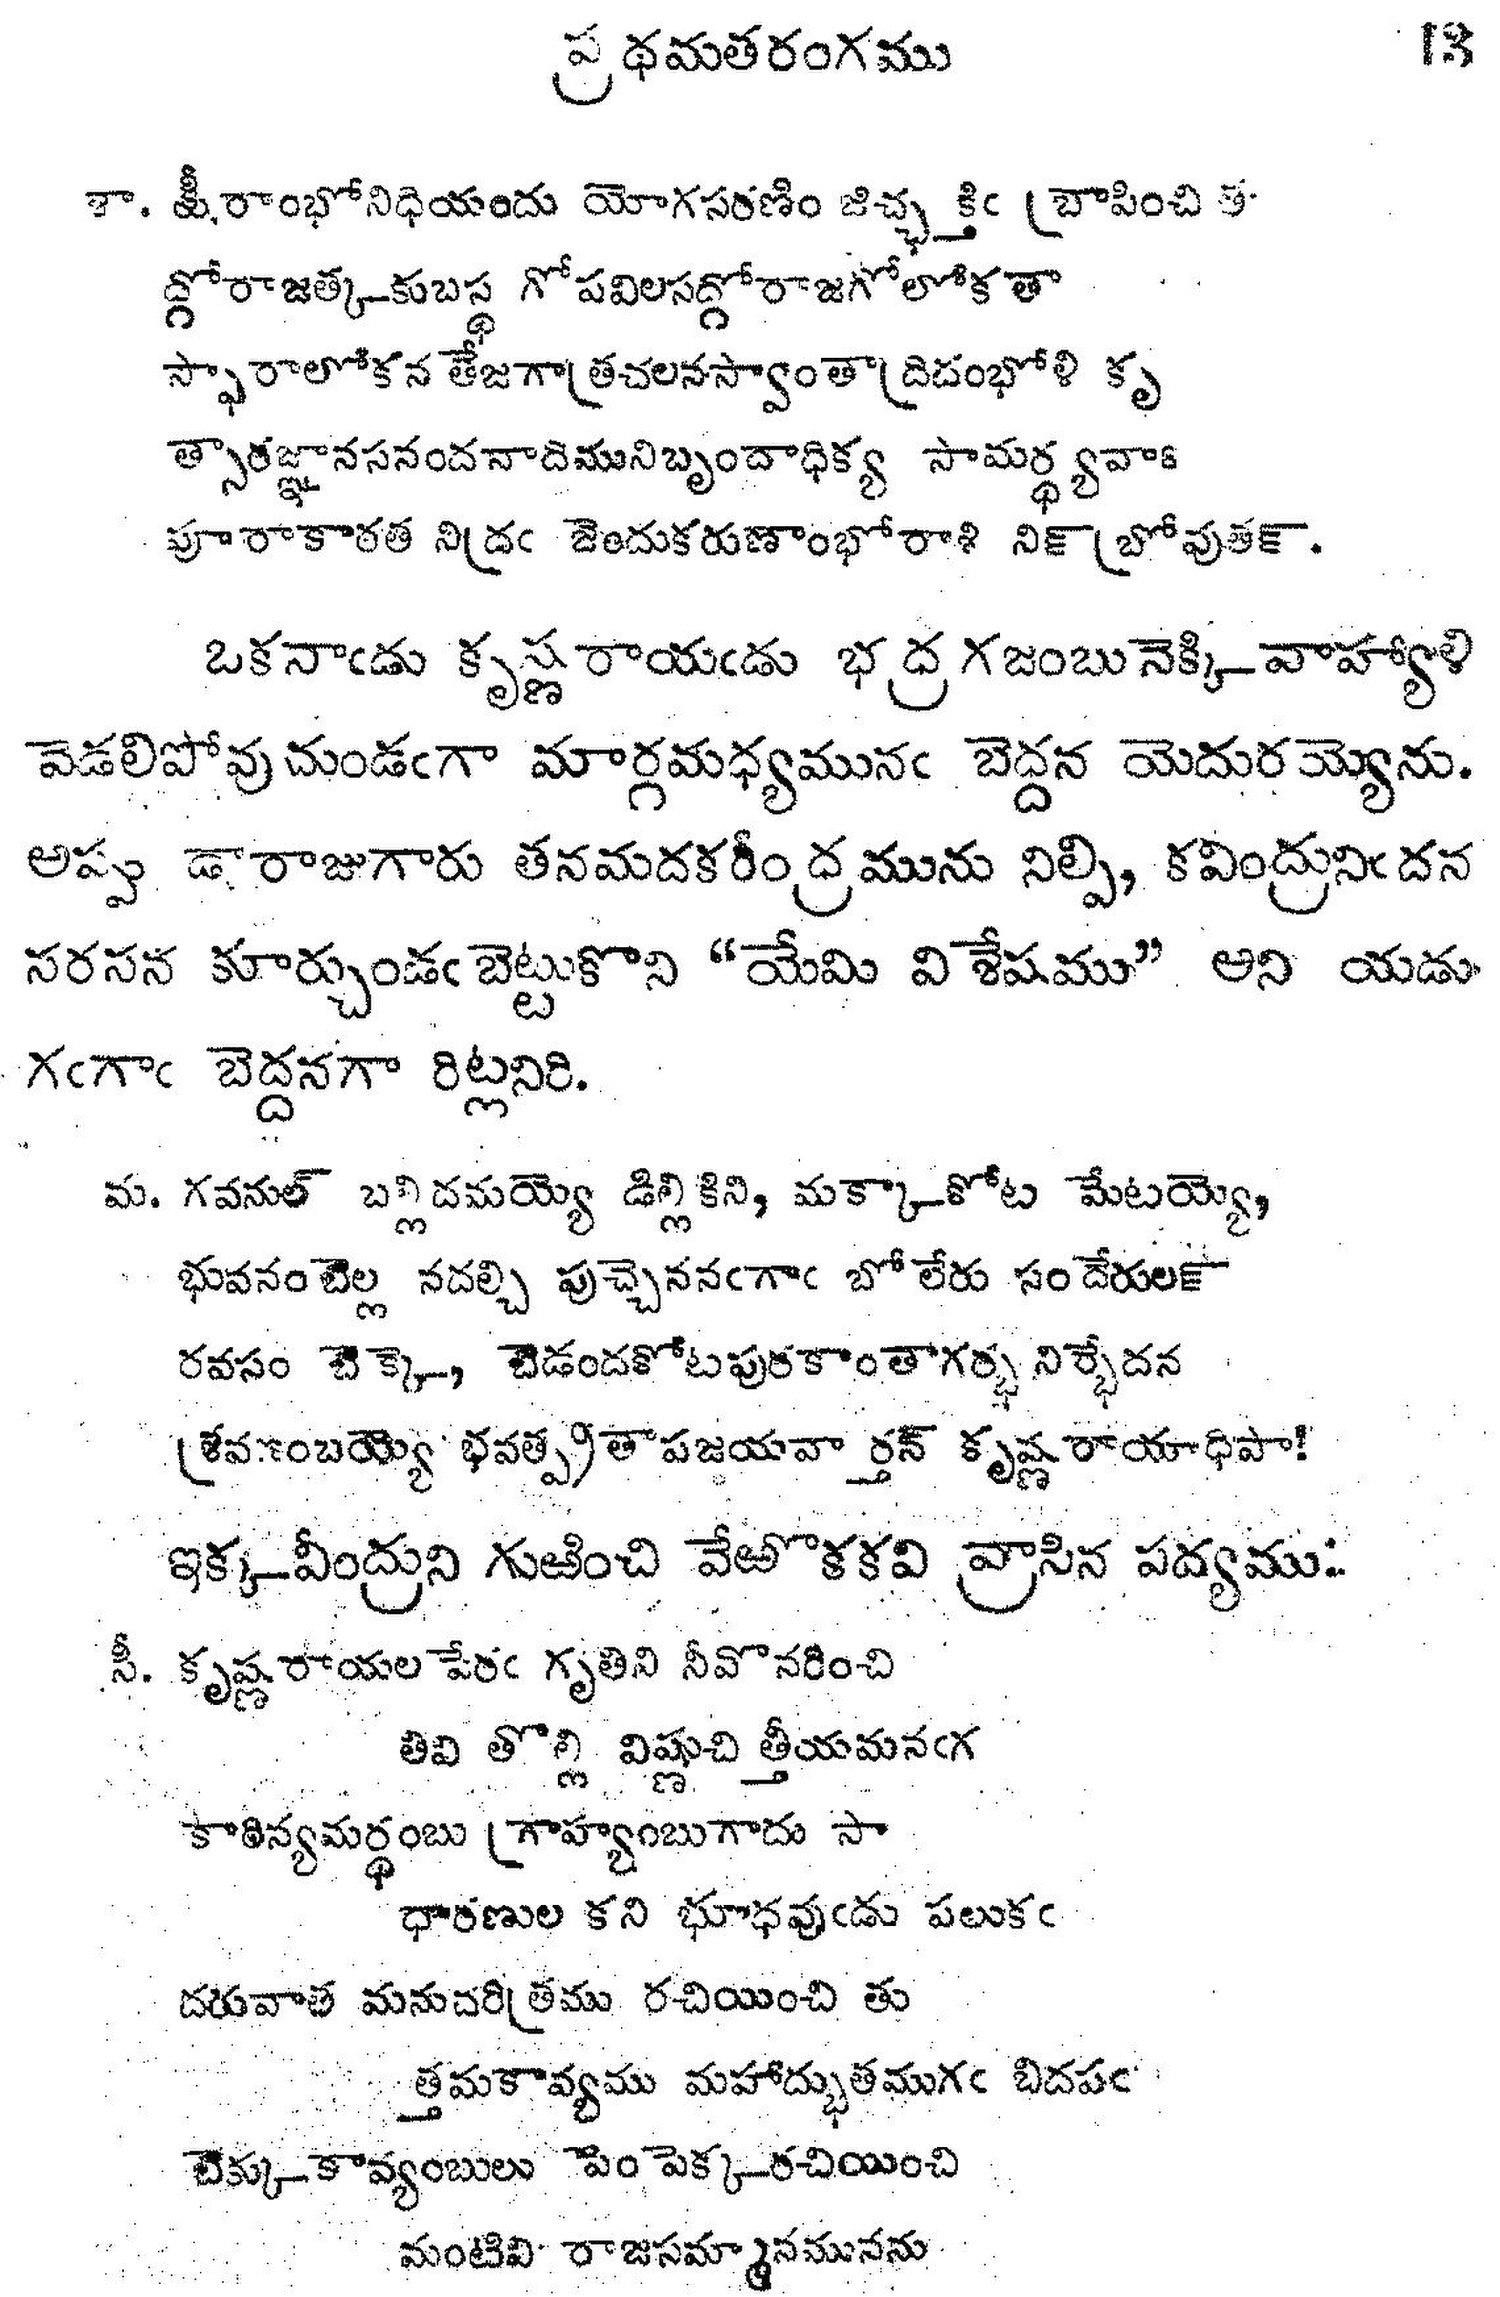శా. క్షీరాంభోనిధియందు యోగసరణిం జిచ్ఛక్తిఁ బ్రాపించి త
 ద్గోరాజత్కకుబస్థ గోపవిలసద్గోరాజగోలోకతా
 స్ఫారాలోకనతేజగాత్రచలనస్వాంతాద్రిదంభోళి కృ
 త్సారజ్ఞానసనందనాదిమునిబృందాధిక్య సామర్థ్యవాః
 పూరాకారత నిద్రఁ జెందు కరుణాంభోరాశి నిన్ బ్రోవుతన్.

ఒకనాఁడు కృష్ణరాయఁడు భద్రగజంబు నెక్కి వాహ్యాళి వెడలిపోవుచుండఁగా మార్గమధ్యమునఁ బెద్దన యెదురయ్యెను. అప్పు డారాజుగారు తనమదకరీంద్రమును నిల్పి, కవీంద్రునిఁ దనసరసన కూర్చుండఁబెట్టుకొని “యేమి విశేషము” అని యడుగఁగాఁ బెద్దనగా రిట్లనిరి.

మ. గవనుల్ బల్లిదమయ్యె డిల్లికిని, మక్కాకోట మేటయ్యె,
 భువనం బెల్ల నదల్చి పుచ్చెననఁగాఁ బోలేరు సందేరులన్
 రవసం బెక్కె, బెడందకోటపురకాంతాగర్భనిర్భేదన
 శ్రవణంబయ్యె భవత్ప్రతాపజయవార్తన్ కృష్ణరాయాధిపా!

ఇక్కవీంద్రునిగుఱించి వేఱొకకవి వ్రాసిన పద్యము

సీ. కృష్ణరాయనపేరఁ గృతిని నీవొనరించి
 తివి తొల్లి విష్ణుచిత్తీయ మనఁగ
 కాఠిన్యమర్థంబు గ్రాహ్యంబు గాదు సా
 ధారణుల కని భూధవుఁడు పలుకఁ
 దరువాత మనుచరిత్రము రచియించి తు
 త్తమకావ్యము మహాద్భుతముగఁ బిదపఁ
 బెక్కుకావ్యంబులు పెంపెక్క రచియించి
 నుంటివి రాజసమ్మానమునను